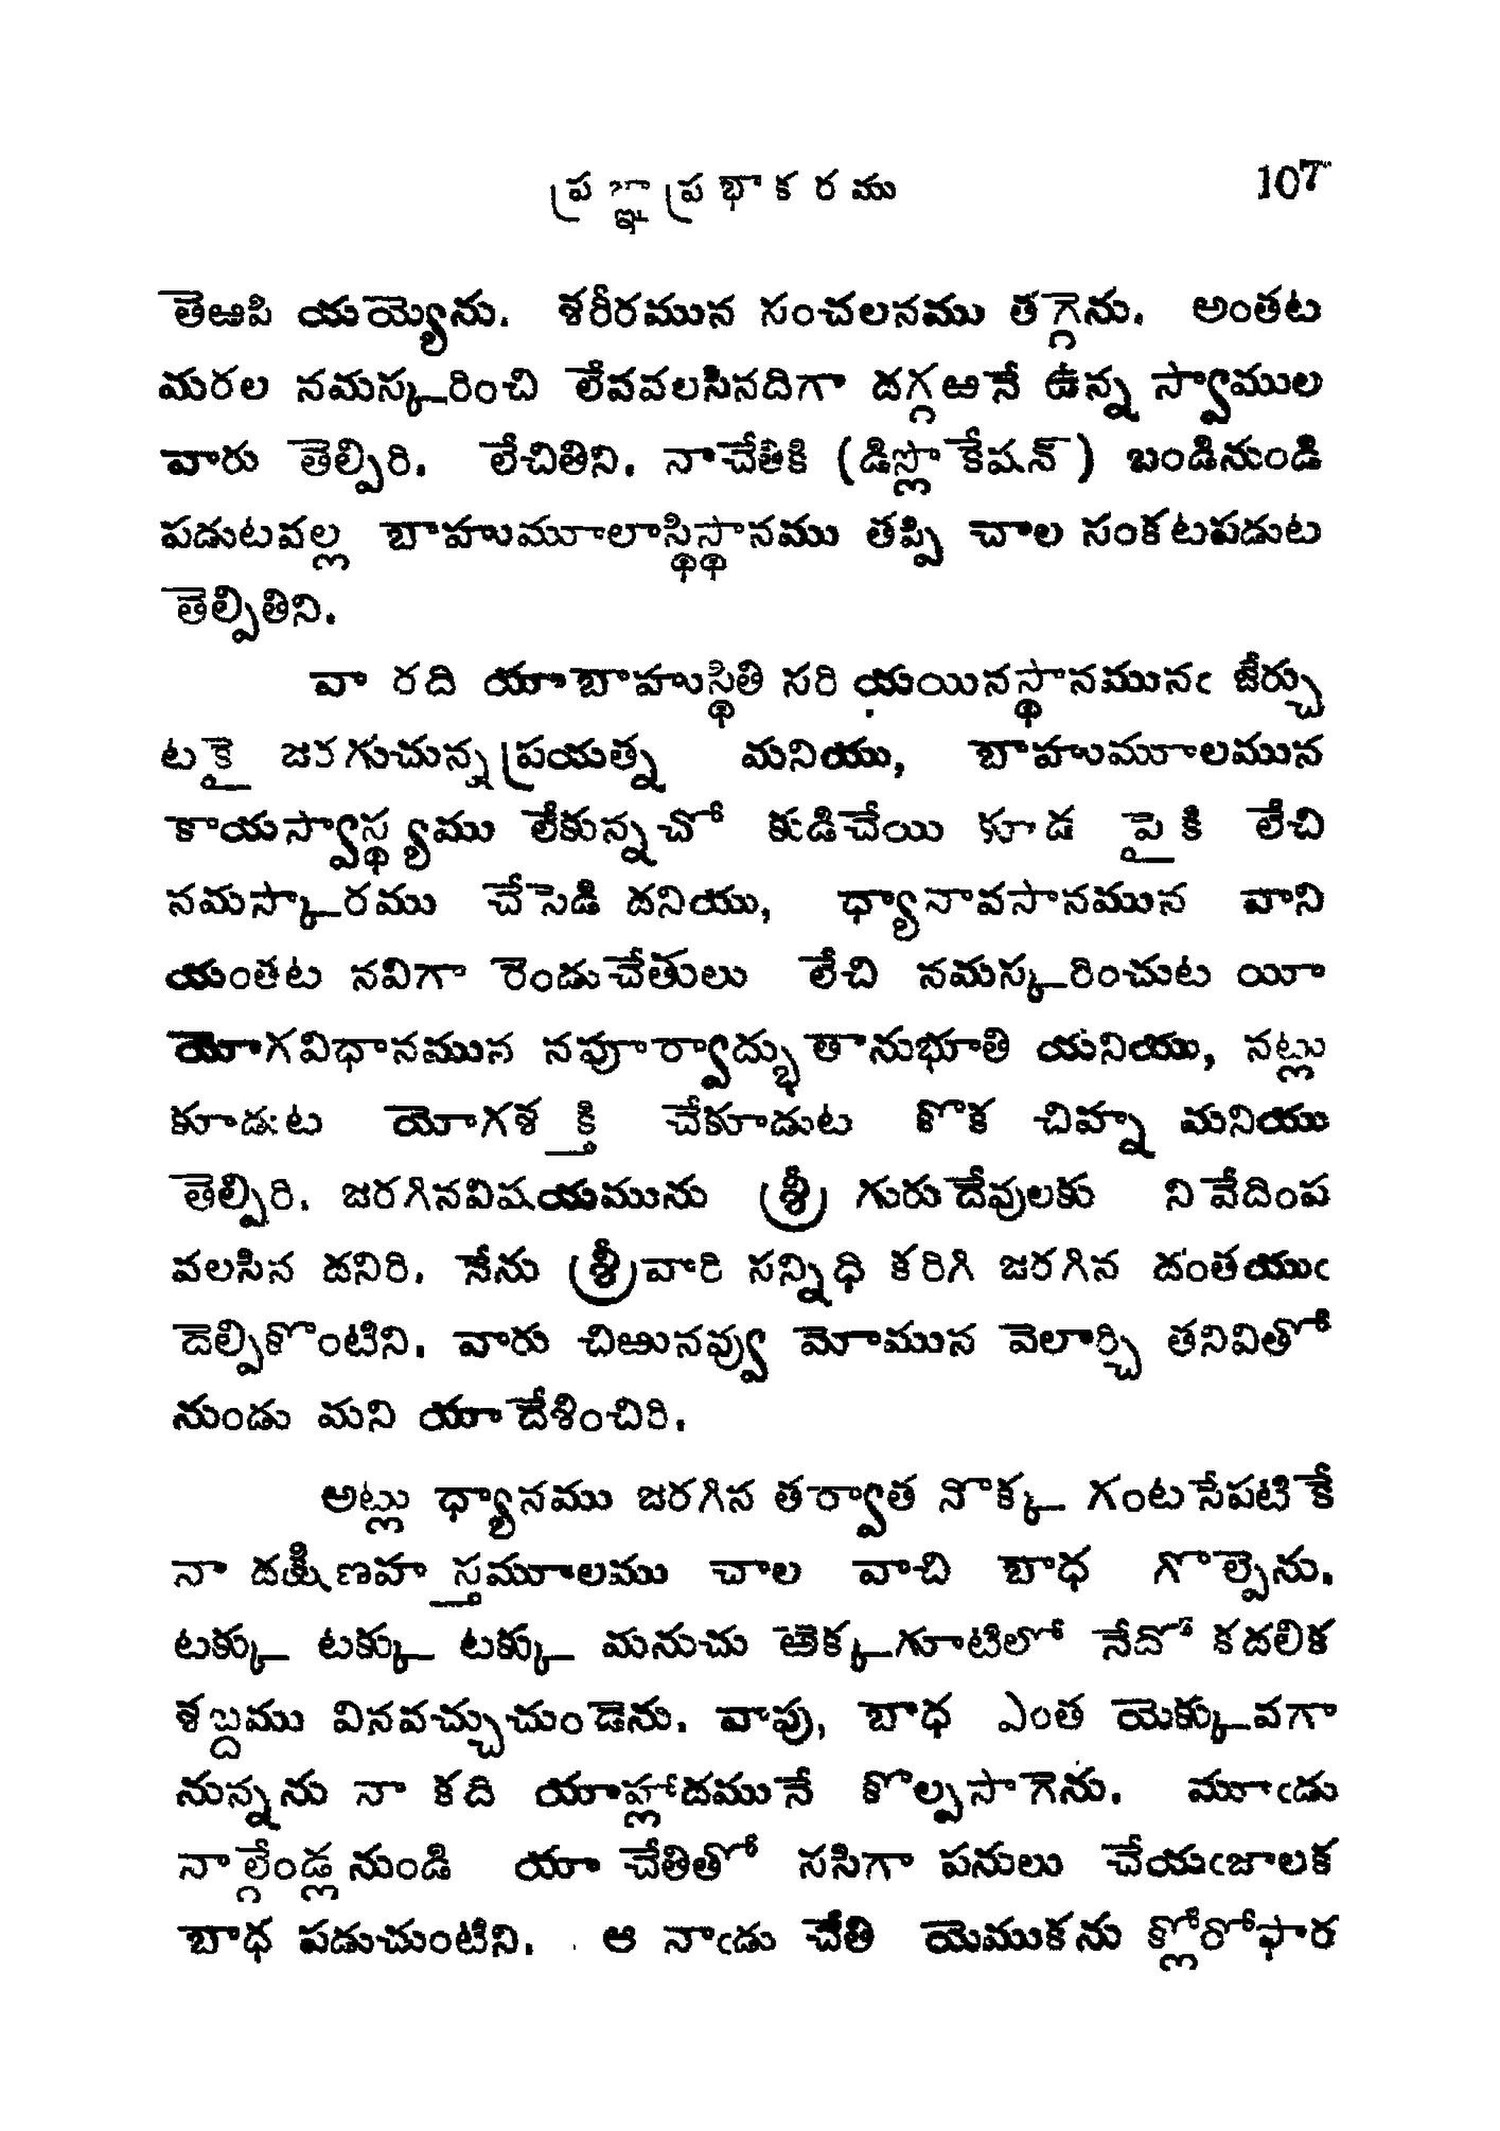తెఱపి యయ్యెను. శరీరముణ సచలనముతగ్గెను. అంతట మరల నమస్కరించి లేవవలసినదిగా దగ్గఱనే ఉన్న స్వాములవారు తెల్పిరి. లేచితిని. నా చేతికి (డిస్లో కేషన్) బండి నుండి పడుటవల్ల బాహు మూలాస్దిస్దానము తప్పి చాల సంకటపడుట తెల్పితిని.

వారది యా బాహు స్ధితి సరియయిన స్దానమునఁ జేర్చుటకై జరుగుచున్న ప్రయత్నమనియు, బాహుమూల మున కాయ స్వాస్ధ్యము లేకున్నచో కుడిచేయి కూడ పైకి లేచి నమస్కారము చేసెడి దనియు, ధ్యానావసానమున వాని యంతట నవిగా రెండు చేతులు లేచి నమస్కరించుట యీ యోగ విధానమున నపూర్వాద్భుతానుభూతి యనియు, నట్లు కూడుట యోగ శక్తి చేకూడుట కొక చిహ్న మనియు తెల్పిరి. జరగిన విషయమును శ్రీ గురుదేవులకు ని వేదింప వలసిన దనిరి. నేను శ్రీ వారి సన్నిధి కరిగి జరగిన దంతయుఁ దెల్పికొంటిని. వారు చిఱునవ్వు మోమున వెలార్చి తనివితో నుండు మని యా దేశించిరి.

అట్లు ధ్యానము జరిగిన తర్వాత నొక్క గంటసేపటికే నా దక్షిణ హస్తమూలము చాల వాచి బాధ గొల్పెను. టక్కు టక్కు టక్కు మనుచు ఱెక్క గూటిలో నేదో కదలిక శబ్దము వినవచ్చు చుండెను. వాపు, బాధ ఎంత యెక్కువగా నున్నను నా కది యాహ్లాదము నేకొల్పసాగెను. మూఁడు నాల్గేండ్లనుండి యా చేతితో ససిగా పనులు చేయఁ జాలక బాధపడుచుంటిని. ఆ నాఁడు చేతి యెముకను క్లోరోఫార